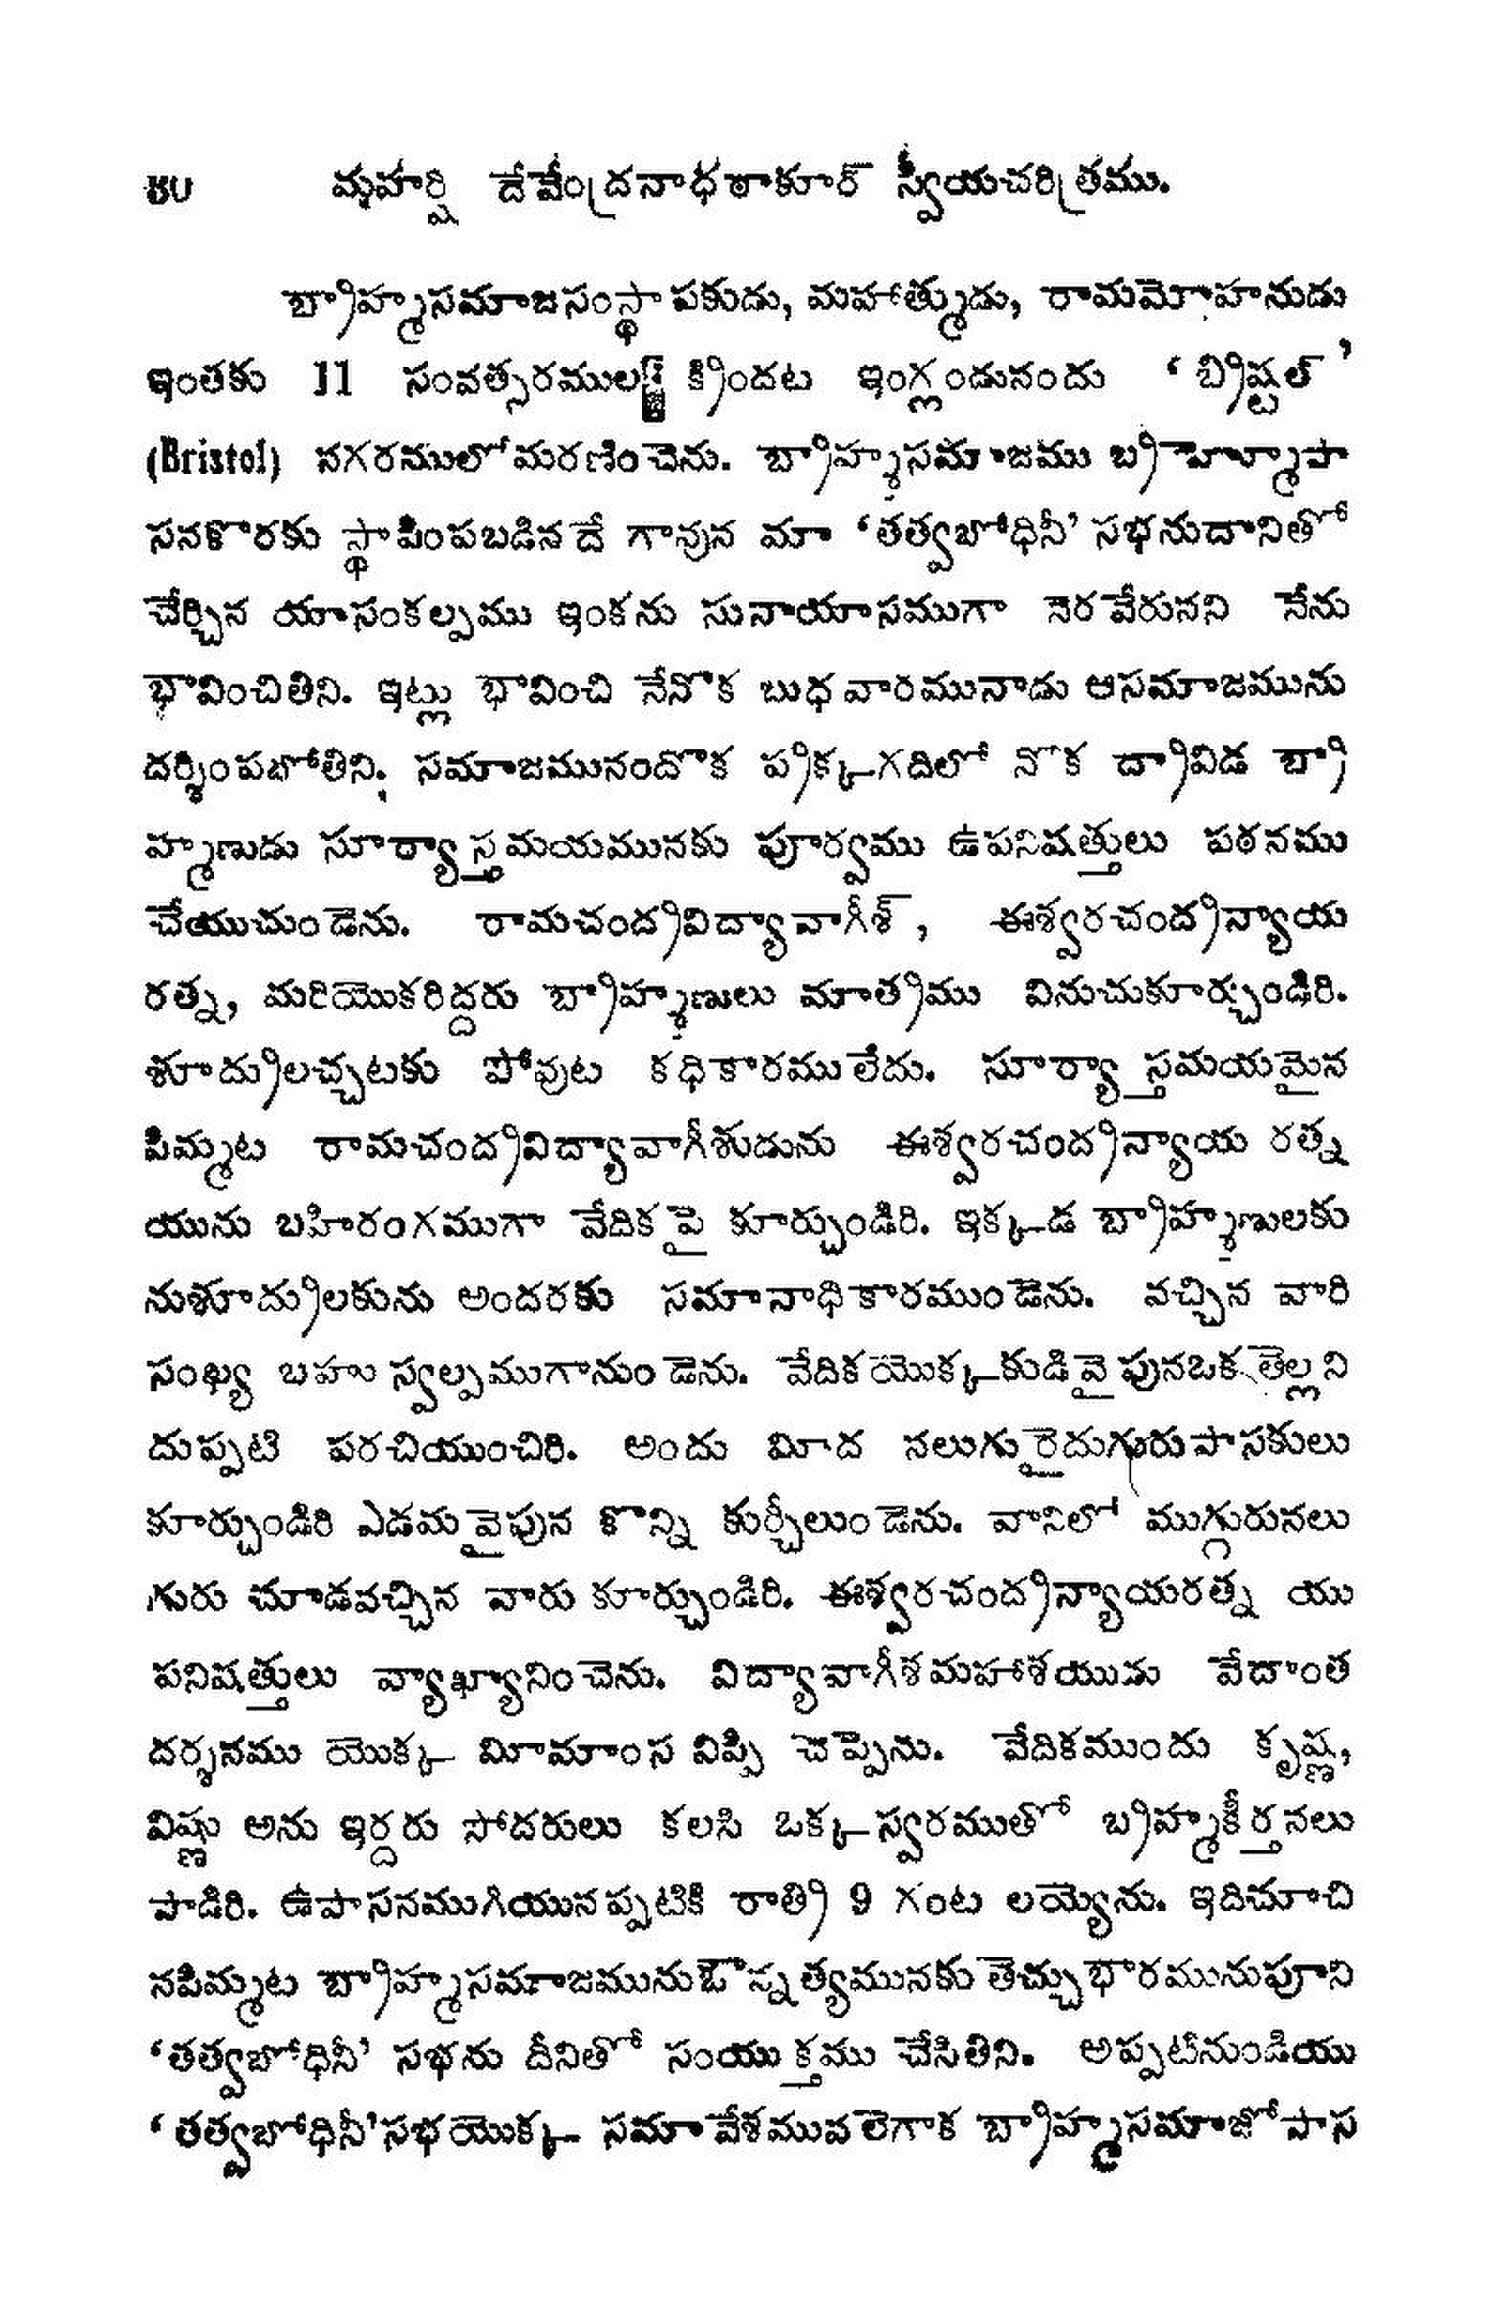బ్రాహ్మసమాజసంస్థాపకుడు, మహాత్ముడు, రామమోహనుడు
ఇంతకు 11 సంవత్సరముల క్రిందట ఇంగ్లండునందు ' బ్రిష్టల్'
(Bristol) నగరములో మరణించెను. బాహ్మసమాజము బాహ్మూపా
సనకొరకు స్థాపింపబడినదే గావున మా 'తత్వబోధినీ' సభను దానితో
చేర్చిన యాసంకల్పము ఇంకను సునాయాసముగా నెరవేరునని నేను
భావించితిని. ఇట్లు భావించి నేనొక బుధవారమునాడు ఆ సమాజమును
దర్శింపబోతిని, సమాజమునందొక పక్క గదిలో నొక ద్రావిడ బ్రాహ్మణుడు సూర్యాస్తమయమునకు పూర్వము ఉపనిషత్తులు పఠనము
చేయు చుండెను. రామచంద్ర విద్యా వాగీశ్ , ఈశ్వరచంద్ర న్యాయ
రత్న, మరియొకరిద్దరు బ్రాహ్మణులు మాత్రము వినుచు కూర్చుండిరి.
శూద్రులచ్చటకు పోవుట కధికారము లేదు. సూర్యాస్తమయమైన
పిమ్మట రామచంద్ర విద్యా వాగీశుడును ఈశ్వరచంద్ర న్యాయరత్న
యును బహిరంగముగా వేదికపై కూర్చుండిరి. ఇక్కడ బాహ్మణులకు
సూద్రులకును అందరకు సమానాధి కొరముండెను. వచ్చిన వారి
సంఖ్య బహు స్వల్పముగానుండెను. "వేదిక యొక్క కుడి వైపునఒక తెల్లని
దుప్పటి పరచియుంచిరి. అందు మీద నలుగురైదుగురు పాసకులు
కూర్చుండిరి ఎడమ వైపున కొన్ని కుర్చీలుండెను. వానిలో ముగ్గురు నలుగురు చూడవచ్చిన వారు కూర్చుండిరి. ఈశ్వరచందన్యాయరత్నయు
యుపనిషత్తులు వ్యాఖ్యానించెను. విద్యా వాగీశ మహాశయుడు వేదాంత
దర్శనము యొక్క మీమాంస విప్పి చెప్పెను. వేదిక ముందు కృష్ణ,
విష్ణు ఇద్దరు సోదరులు కలసి ఒక్క స్వరముతో బ్రహ్మ కీర్తనలు
పాడిరి. ఉపాసనముగియున ప్పటికి రాత్రి 9 గంట లయ్యేను. ఇదిచూచి
సపిమ్మట బాహ్మసమాజమును ఔన్నత్యమునకు తెచ్చు భారమును పూని
“తత్వబోధినీ' సభను దీనితో సంయుక్తము చేసితిని. అప్పటి నుండియు
“ తత్వబోధినీ' సభ యొక్క సమావేశము వలెగాక బాహ్మసమాజోపాస